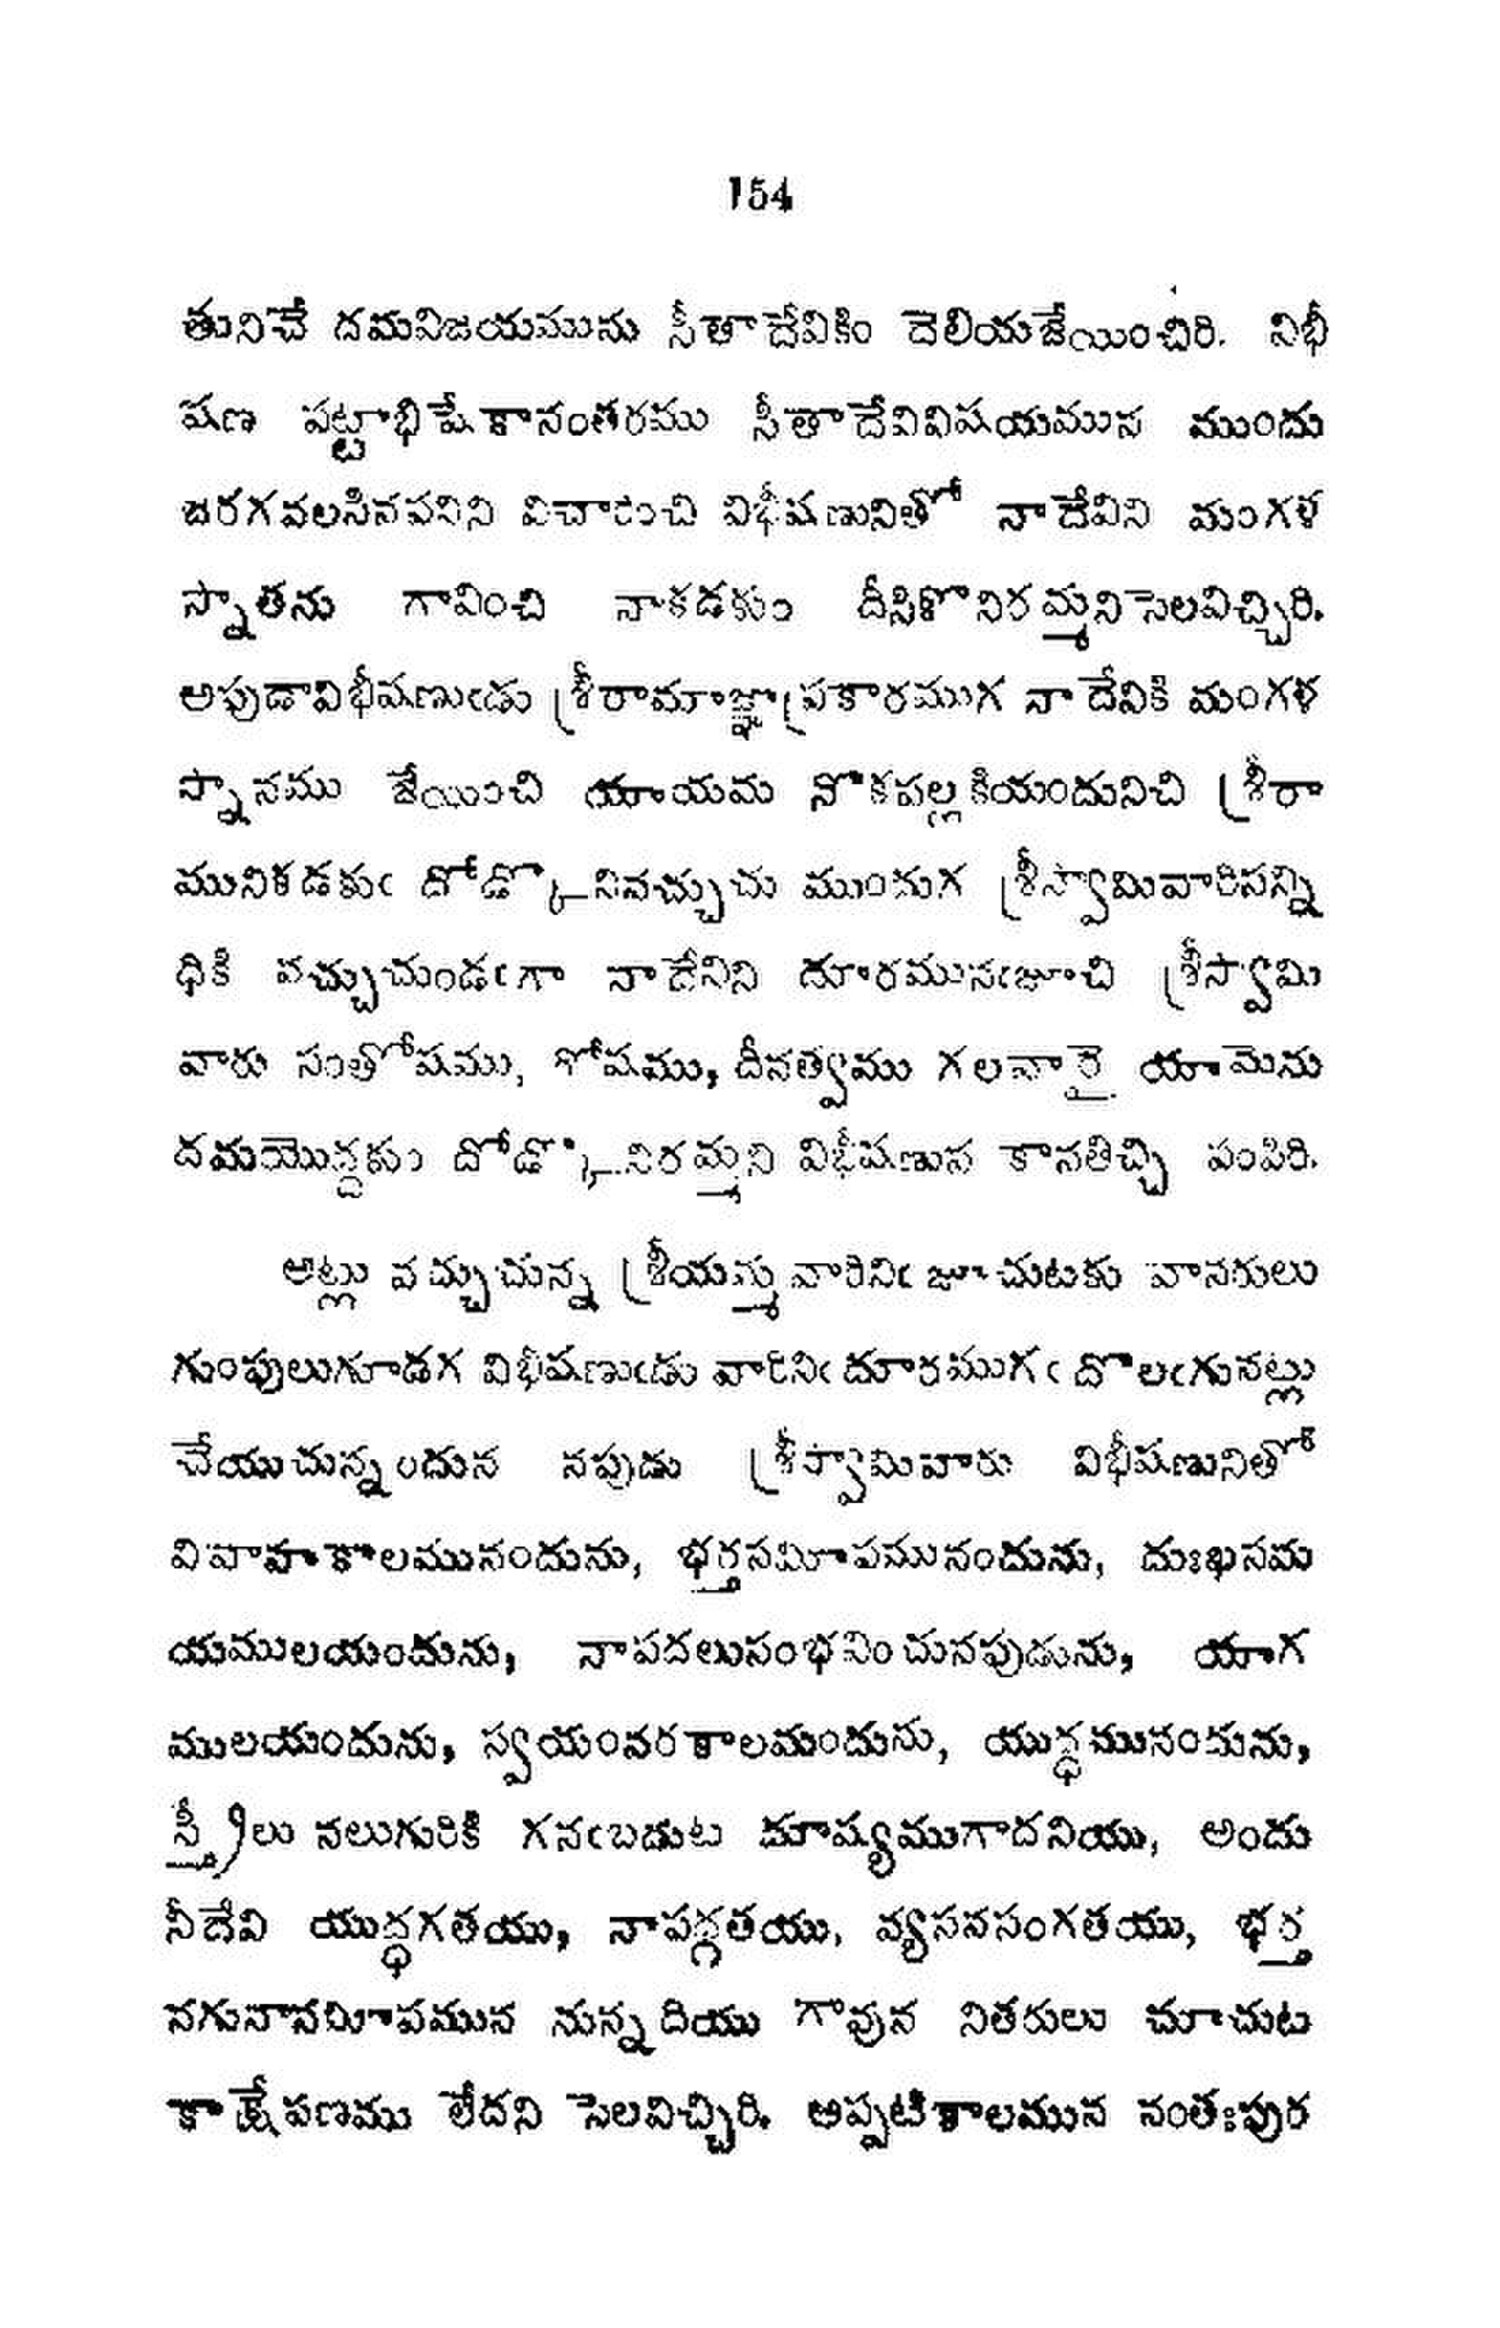తునిచే దమవిజయమును సీతాదేవికిం దెలియజేయించిరి. విభీషణ పట్టాభిషేకానంతరము సీతాదేవివిషయమున ముందు జరగవలసినపనిని విచారించి విభీషణునితో నాదేవిని మంగళ
స్నాతను గావించి నాకడకుం దీసికొనిరమ్మనిసెలవిచ్చిరి. అపుడావిభీషణుఁడు శ్రీరామాజ్ఞాప్రకారముగ నాదేవికి మంగళ స్నానము జేయించి యూయమ నొకపల్లకియందునిచి శ్రీరామునికడకుఁ దోడ్కొనివచ్చుచు ముందుగ శ్రీస్వామివారిసన్నిధికి వచ్చుచుండగా నాదేవిని దూరమునఁజూచి శ్రీస్వామివారు సంతోషము, రోషము, దీనత్వము గలవారై యామెను దమయొద్దకుం దోడ్కొ,నిరమ్మని విభీషణున కానతిచ్చి పంపిరి.

అట్లు వచ్చుచున్న శ్రీయమ్మవారినిఁ జూచుటకు వానరులు గుంపులుగూడగ విభీషణుఁడు వారినిఁ దూరముగఁ దొలఁగునట్లు చేయుచున్నందున నపుడు శ్రీస్వామివారు. విభీషణునితో వివాహ కాలమునందును, భర్తసమీపమునందును, దుఃఖసమయములయందును, నాపదలుసంభవించు నపుడును, యాగములయందును, స్వయంవరకాలమందును, యుద్ధమునందును, స్త్రీలు నలుగురికి గనఁబడుట దూష్యముగాదనియు, అందు నీదేవి యుద్ధగతయు, నాపద్గతయు, వ్యసనసంగతయు, భర్త నగునాసమీపమున నున్నదియు గావున నితరులు చూచుట కాక్షేపణము లేదని సెలవిచ్చిరి. అప్పటికాలమున నంతఃపుర